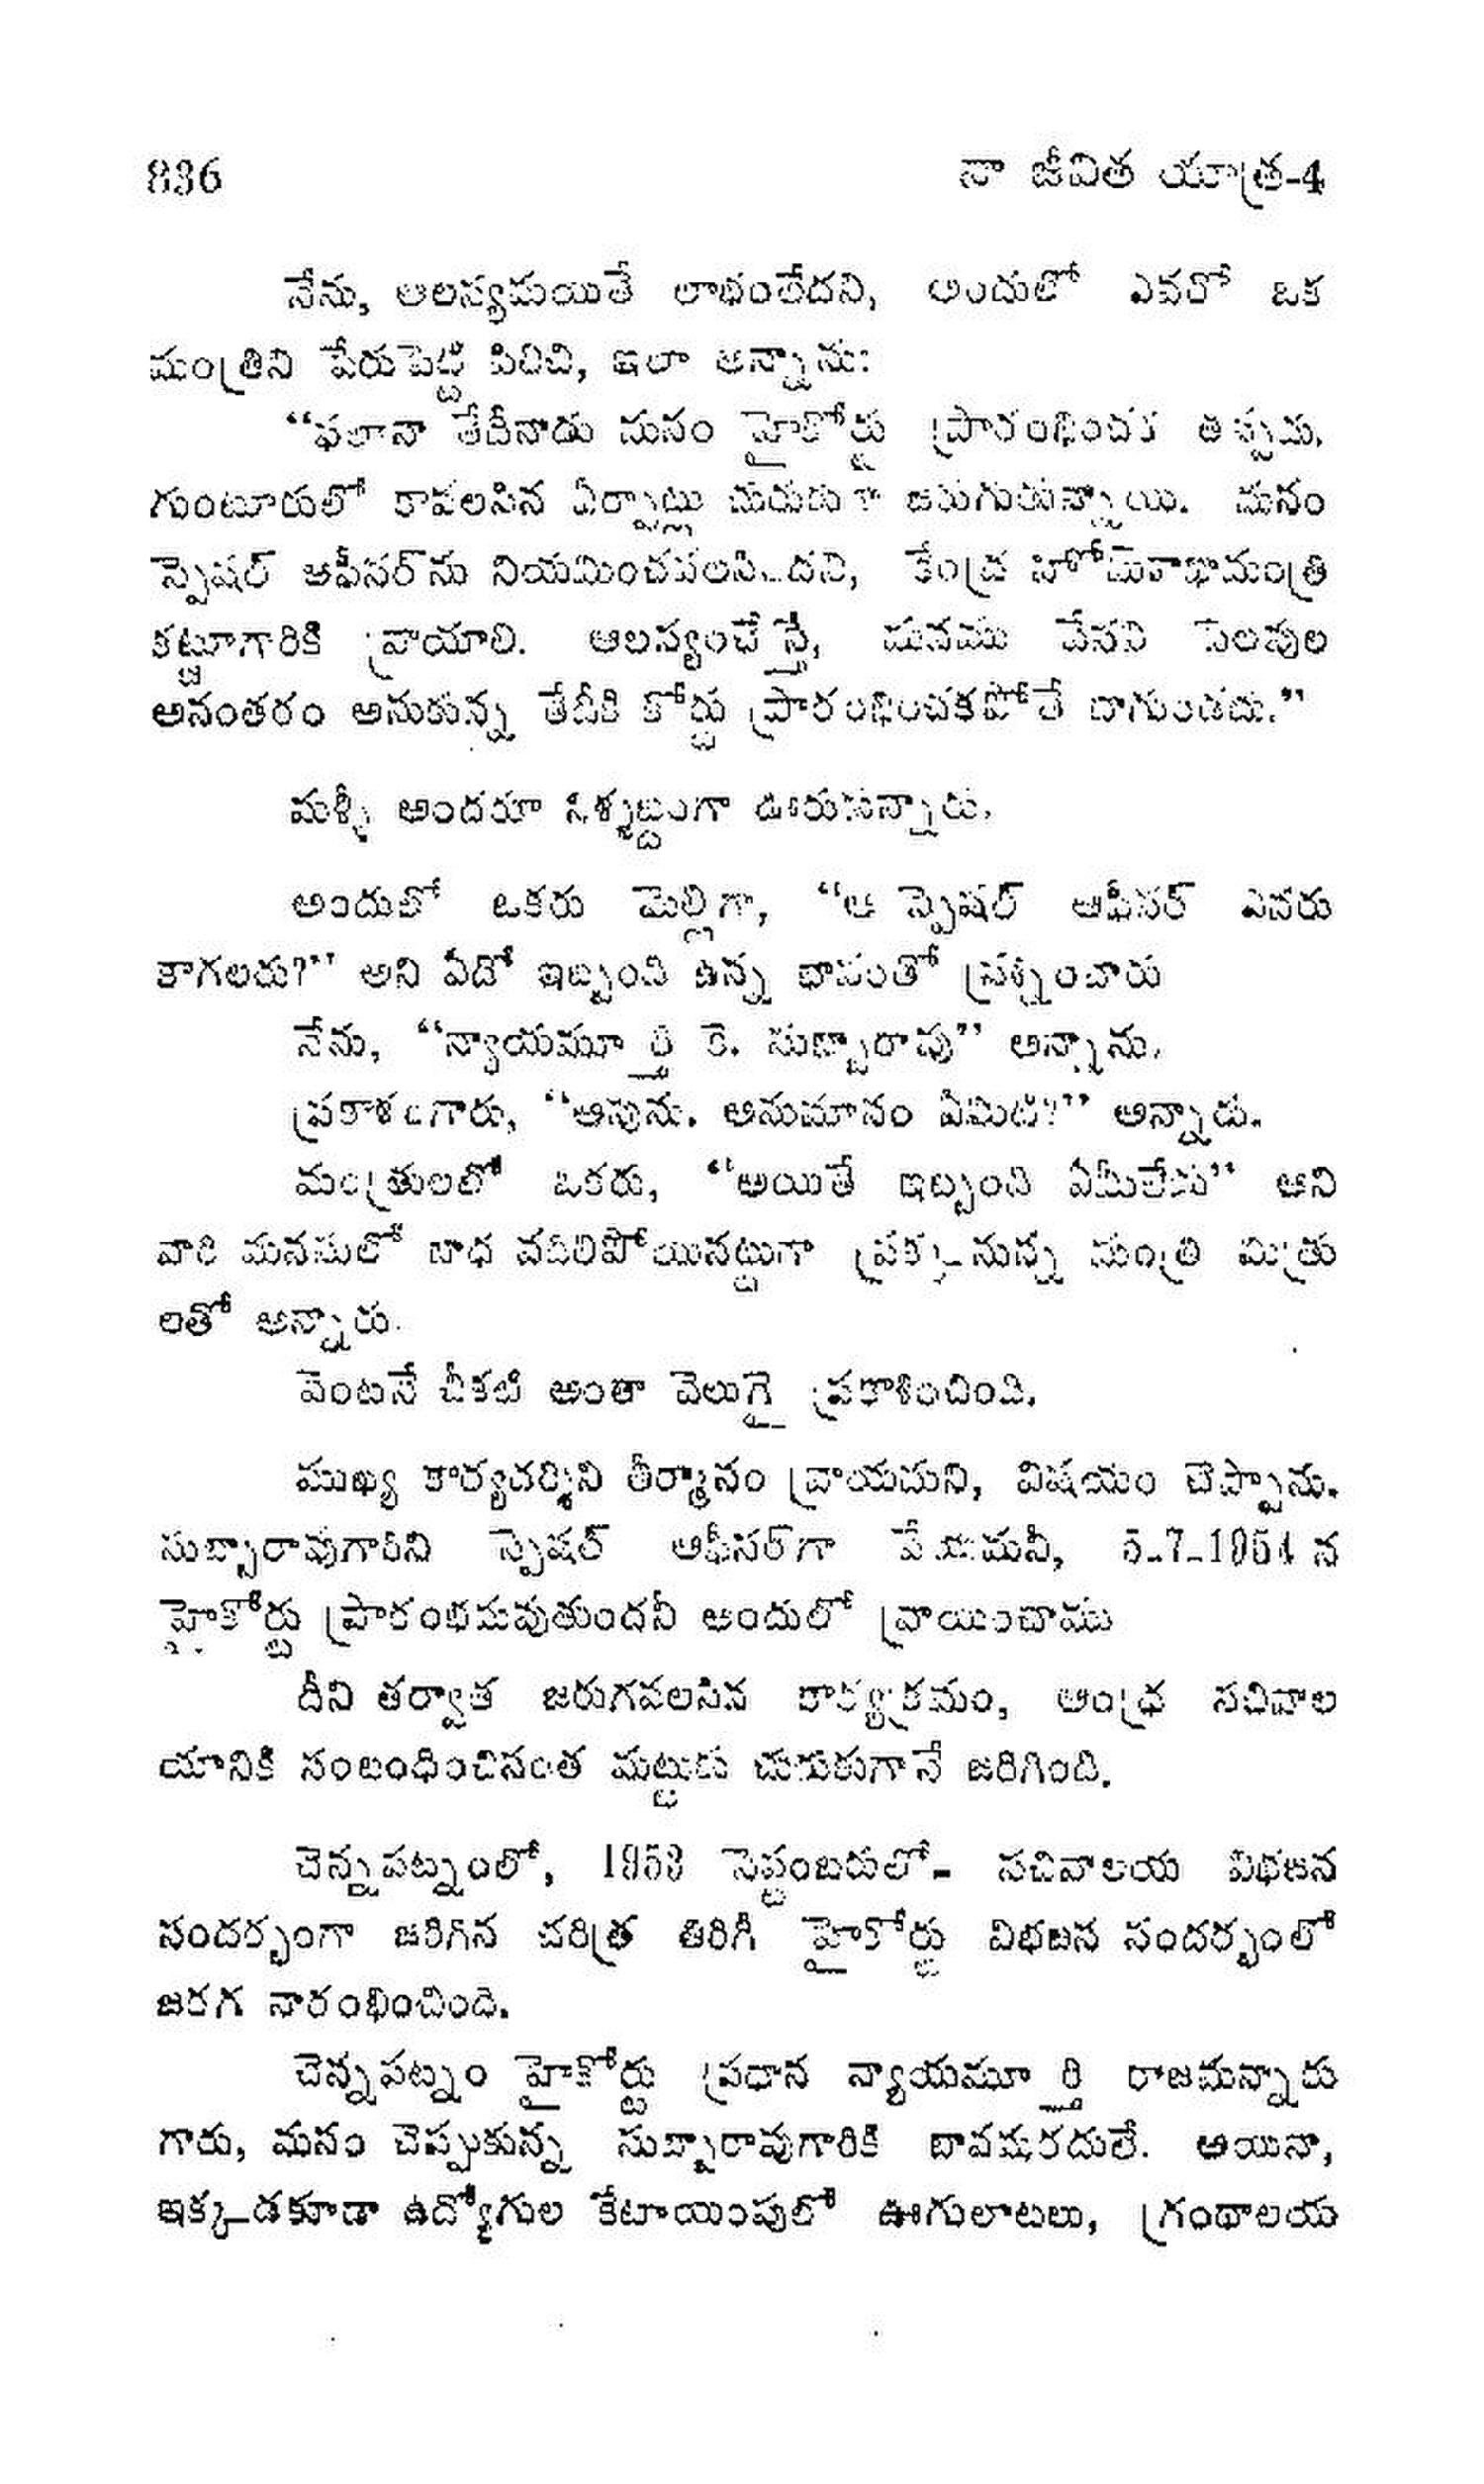నేను, ఆలస్యమయితే లాభంలేదని, అందులో ఎవరో ఒక మంత్రిని పేరుపెట్టి పిలిచి, ఇలా అన్నాను:

"ఫలానా తేదీనాడు మనం హైకోర్టు ప్రారంభించక తప్పదు. గుంటూరులో కావలసిన ఏర్పాట్లు చురుకుగా జరుగుతున్నాయి. మనం స్పెషల్ ఆఫీసర్‌ను నియమించవలసిందని, కేంద్ర హోమ్‌శాఖామంత్రి కట్జూగారికి వ్రాయాలి. ఆలస్యంచేస్తే, మనము వేసవి సెలవుల అనంతరం అనుకున్న తేదీకి కోర్టు ప్రారంభించకపోతే బాగుండదు."

మళ్ళీ అందరూ నిశ్శబ్దంగా ఊరుకున్నారు.

అందులో ఒకరు మెల్లిగా, "ఆ స్పెషల్ ఆఫీసర్ ఎవరు కాగలరు?" అని ఏదో ఇబ్బంది ఉన్న భావంతో ప్రశ్నించారు.

నేను, "న్యాయమూర్తి కె. సుబ్బారావు" అన్నాను.

ప్రకాశంగారు, "అవును. అనుమానం ఏమిటి?" అన్నారు.

మంత్రులలో ఒకరు, "అయితే ఇబ్బంది ఏమిలేదు" అని వారి మనసులో బాధ వదిలిపోయినట్టుగా ప్రక్కనున్న మంత్రి మిత్రులతో అన్నారు.

వెంటనే చీకటి అంతా వెలుగై ప్రకాశించింది.

ముఖ్య కార్యదర్శిని తీర్మానం వ్రాయమని, విషయం చెప్పాను. సుబ్బారావుగారిని స్పెషల్ ఆఫీసర్‌గా వేయమనీ, 5-7-1954 న హైకోర్టు ప్రారంభమవుతుందనీ అందులో వ్రాయించాము.

దీని తర్వాత జరుగవలసిన కార్యక్రమం, ఆంధ్ర సచివాలయానికి సంబంధించినంత మట్టుకు చురుకుగానే జరిగింది.

చెన్నపట్నంలో, 1953 సెప్టంబరులో - సచివాలయ విభజన సందర్భంగా జరిగిన చరిత్ర తిరిగీ హైకోర్టు విభజన సందర్భంలో జరగ నారంభించింది.

చెన్నపట్నం హైకోర్టు ప్రధాన న్యాయమూర్తి రాజమన్నారు గారు, మనం చెప్పుకున్న సుబ్బారావుగారికి బావమరదులే. అయినా, ఇక్కడకూడా ఉద్యోగుల కేటాయింపులో ఊగులాటలు, గ్రంథాలయ